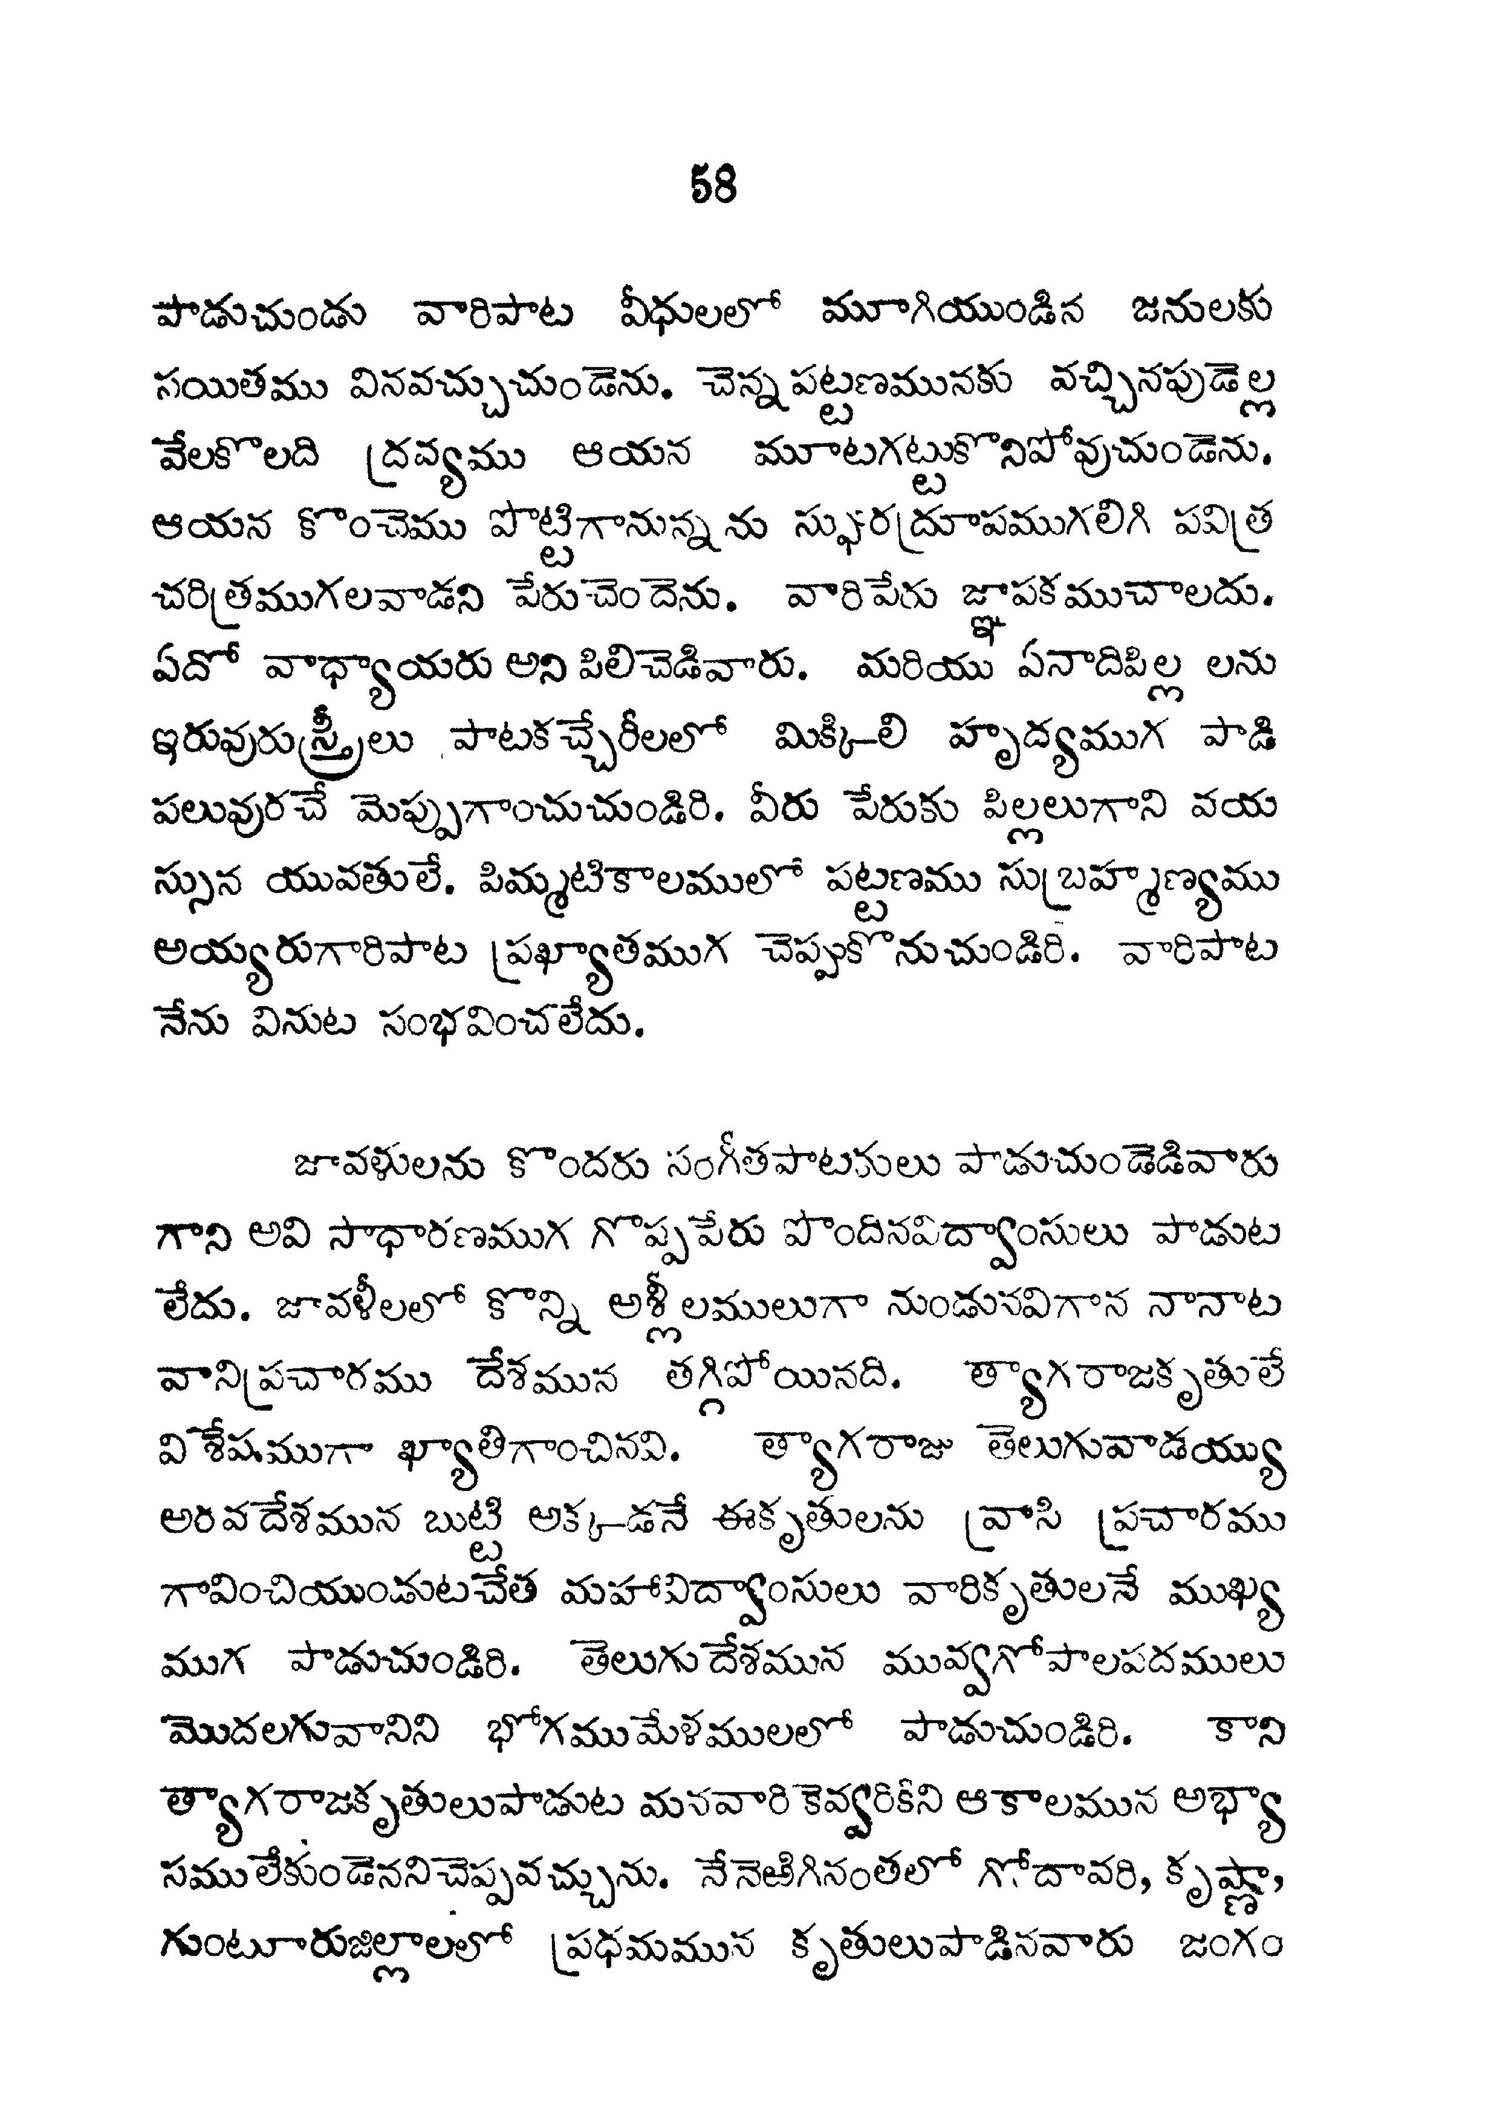పాడుచుండు వారిపాట వీధులలో మూగియుండిన జనులకు సయితము వినవచ్చుచుండెను. చెన్నపట్టణమునకు వచ్చినపుడెల్ల వేలకొలది ద్రవ్యము ఆయన మూటగట్టుకొనిపోవుచుండెను. ఆయన కొంచెము పొట్టిగానున్నను స్ఫురద్రూపముగలిగి పవిత్ర చరిత్రముగలవాడని పేరుచెందెను. వారిపేరు జ్ఞాపకముచాలదు. ఏదో వాధ్యాయరు అని పిలిచెడివారు. మరియు ఏనాదిపిల్ల లను ఇరువురుస్త్రీలు పాటకచ్చేరీలలో మిక్కిలి హృద్యముగ పాడి పలువురచే మెప్పుగాంచుచుండిరి. వీరు పేరుకు పిల్లలుగాని వయస్సున యువతులే. పిమ్మటికాలములో పట్టణము సుబ్రహ్మణ్యము అయ్యరుగారిపాట ప్రఖ్యాతముగ చెప్పుకొనుచుండిరి. వారిపాట నేను వినుట సంభవించలేదు.

జావళులను కొందరు సంగీతపాటకులు పాడుచుండెడివారు గాని అవి సాధారణముగ గొప్పపేరు పొందినవిద్వాంసులు పాడుట లేదు. జావళీలలో కొన్ని అశ్లీలములుగా నుండునవిగాన నానాట వానిప్రచారము దేశమున తగ్గిపోయినది. త్యాగరాజకృతులే విశేషముగ ఖ్యాతిగాంచినవి. త్యాగరాజు తెలుగువాడయ్యు అరవదేశమున బుట్టి అక్కడనే ఈకృతులను వ్రాసి ప్రచారము గావించియుండుటచేత మహావిద్వాంసులు వారికృతులనే ముఖ్యముగ పాడుచుండిరి. తెలుగుదేశమున మువ్వగోపాలపదములు మొదలగువానిని భోగముమేళములలో పాడుచుండిరి. కాని త్యాగరాజకృతులుపాడుట మనవారికెవ్వరికిని ఆకాలమున అభ్యాసములేకుండెనని చెప్పవచ్చును. నేనెఱిగినంతలో గోదావరి, కృష్ణా, గుంటూరుజిల్లాలలో ప్రథమమున కృతులుపాడినవారు జంగం